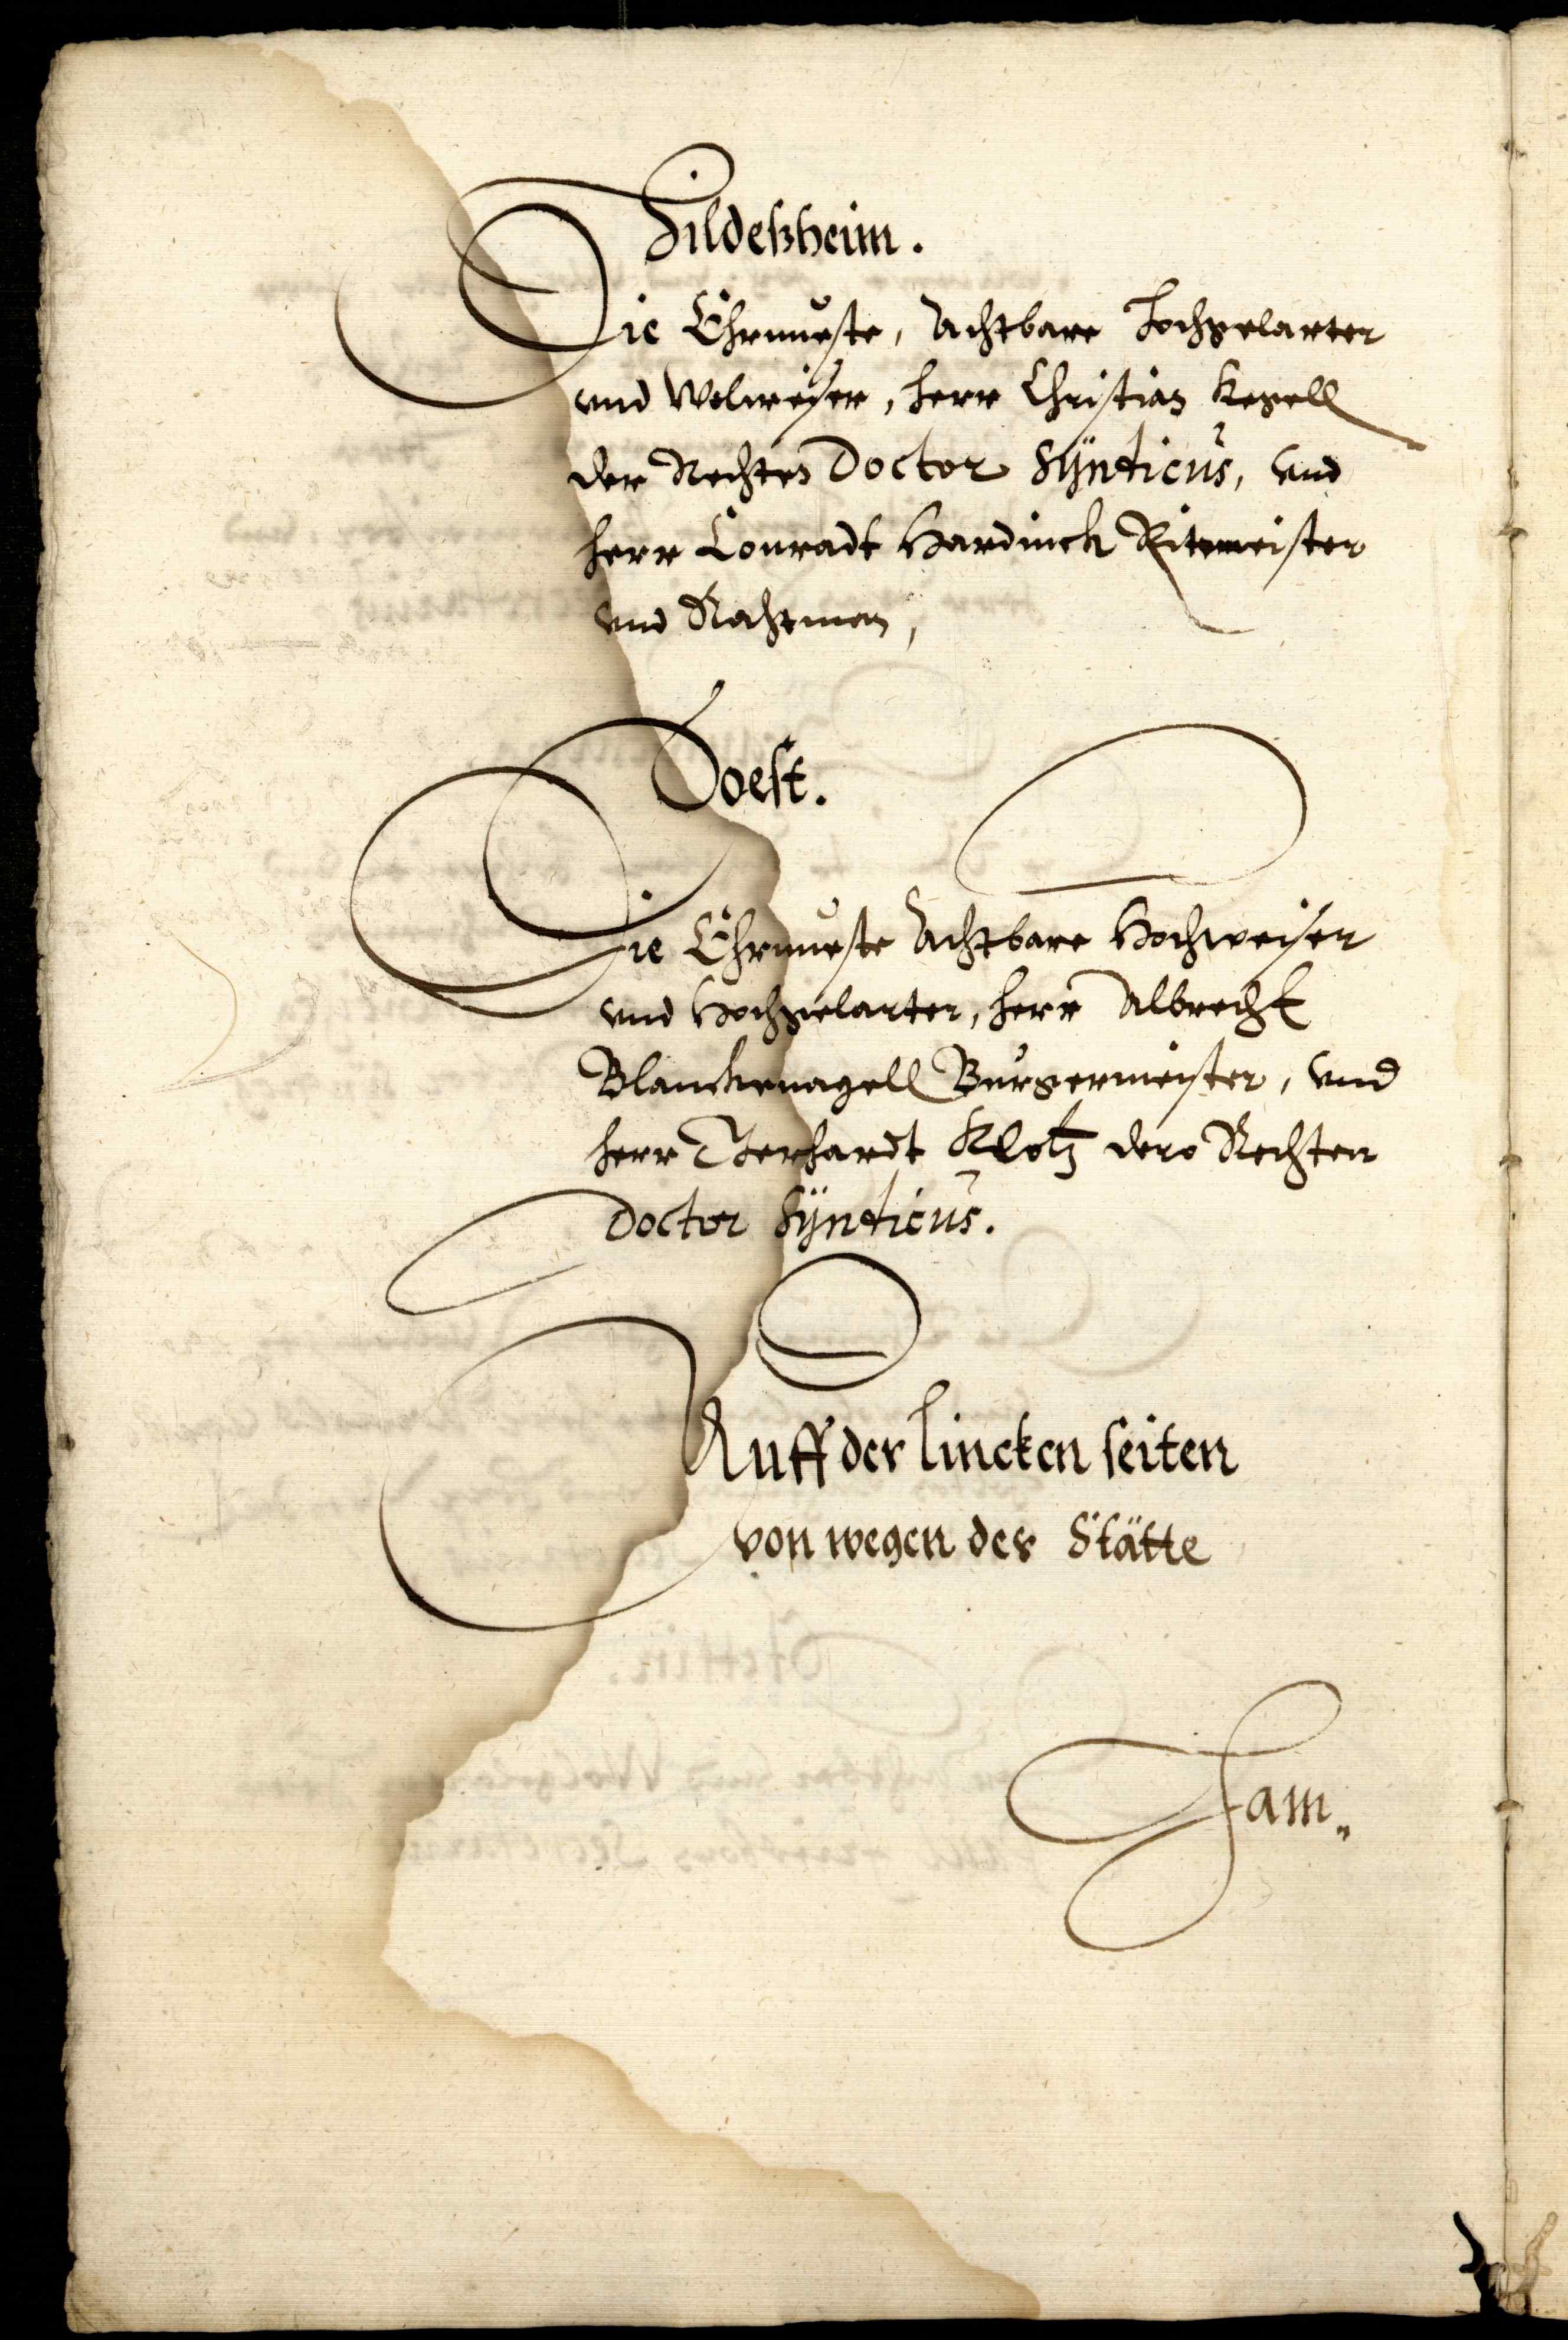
Hildeßheim.
die Ehrnueste, Achtbare Hochgelarter
und Wolweiser, herr Christian Kesell
der Rechten Doctor Sijnticus,vnd
herr Conradt Hardinck Ritemeister
vnd Rahtman,
Soest.
Die Ehrnueste Achtbare Hochweiser
vnd Hochgelarter, herr Albrecht
Blanckenagell Burgermeister, vnd
herr Gerhardt Klotz dero Rechten
Doctor Sÿnticus.
Auff der Lincken seiten
von wegen der Stätte
Ham¬
